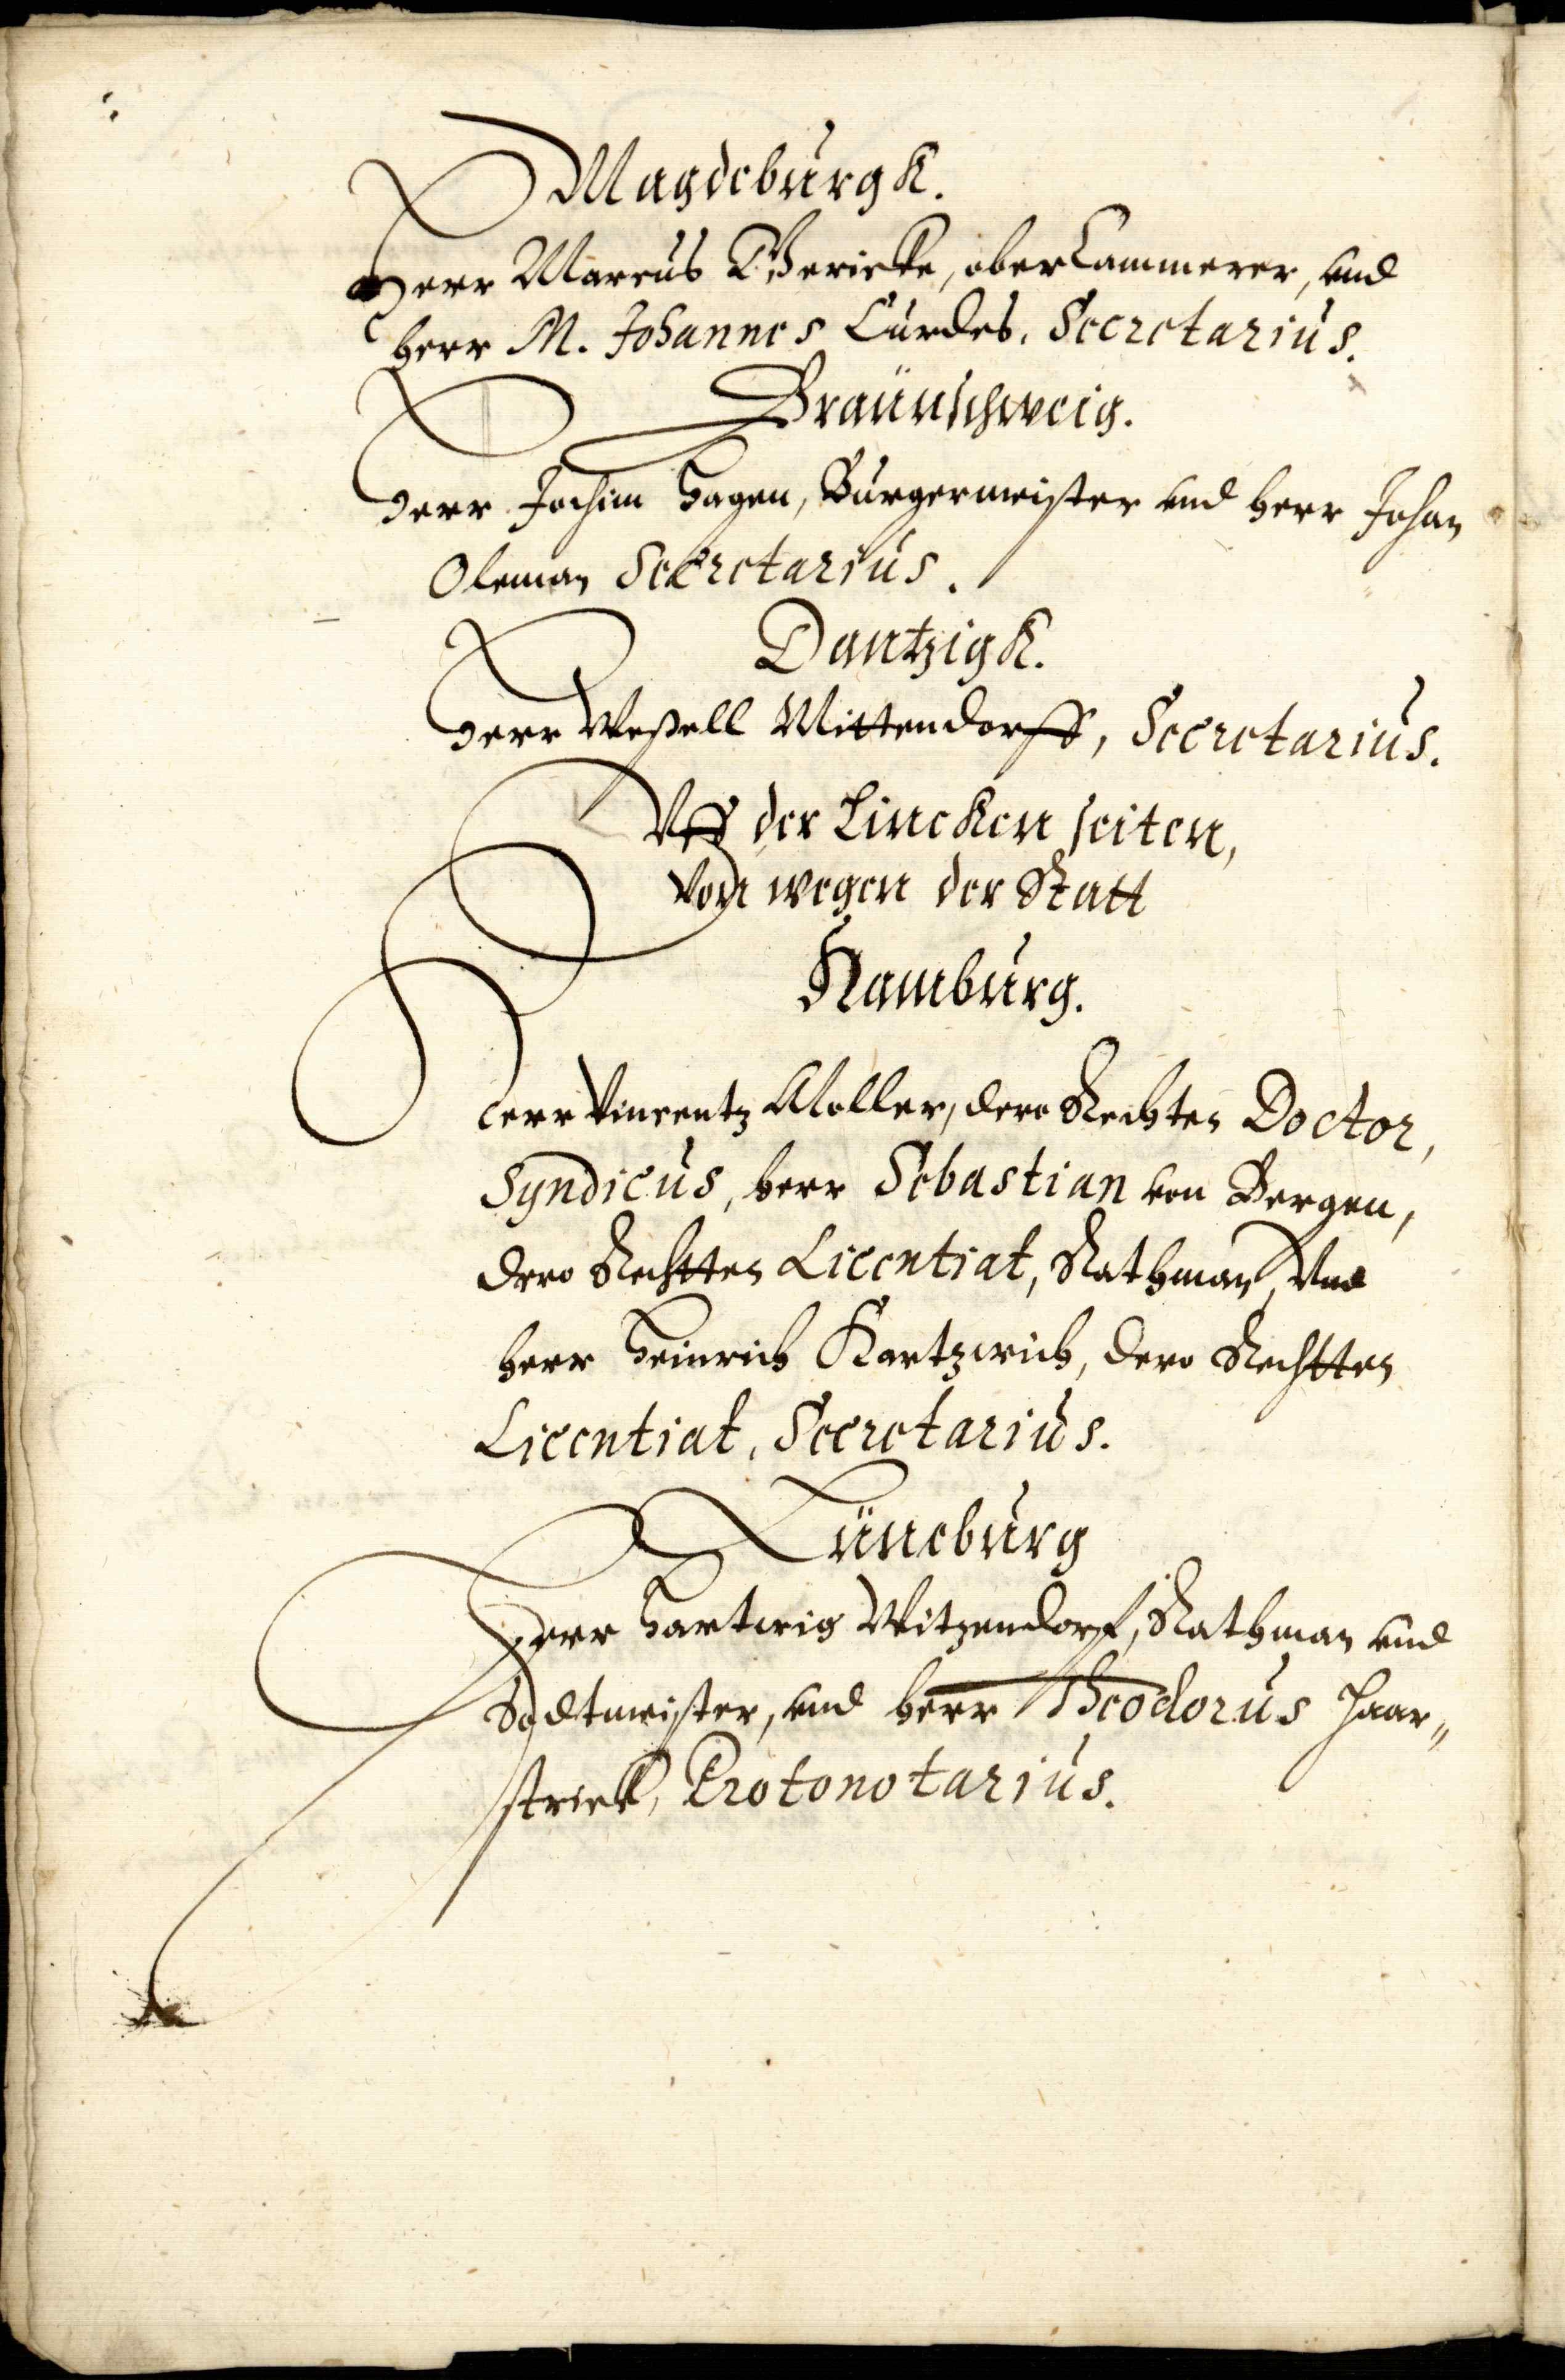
Magdeburgk.
Herr Marcus Gericke, ober Cammerer, vnd
herr M. Johannes Lurdes, Secretarius.
Braunschweig.
Herr Jochim Hagen, Burgermeister vnd herr Johan
Oleman Secretarius.
Dantzigk.
Herr Weßell Mittendorff, Secretarius.
Vff der Lincken seiten,
Von wegen der Statt
Hamburg.
Herr Vincentz Moller, dero Rechten Doctor,
Syndicus, herr Sebastian von Bergen,
dero Rechtten Licentiat, Rathman, Vnd
herr Heinrich Hartzwich, dero Rechtten
Licentiat, Secretarius.
Lüneburg
Herr Hartwig Witzendorf, Rathman vnd
Sodtmeister, vnd herr Theodorus Haar¬
striek, Protonotarius.
